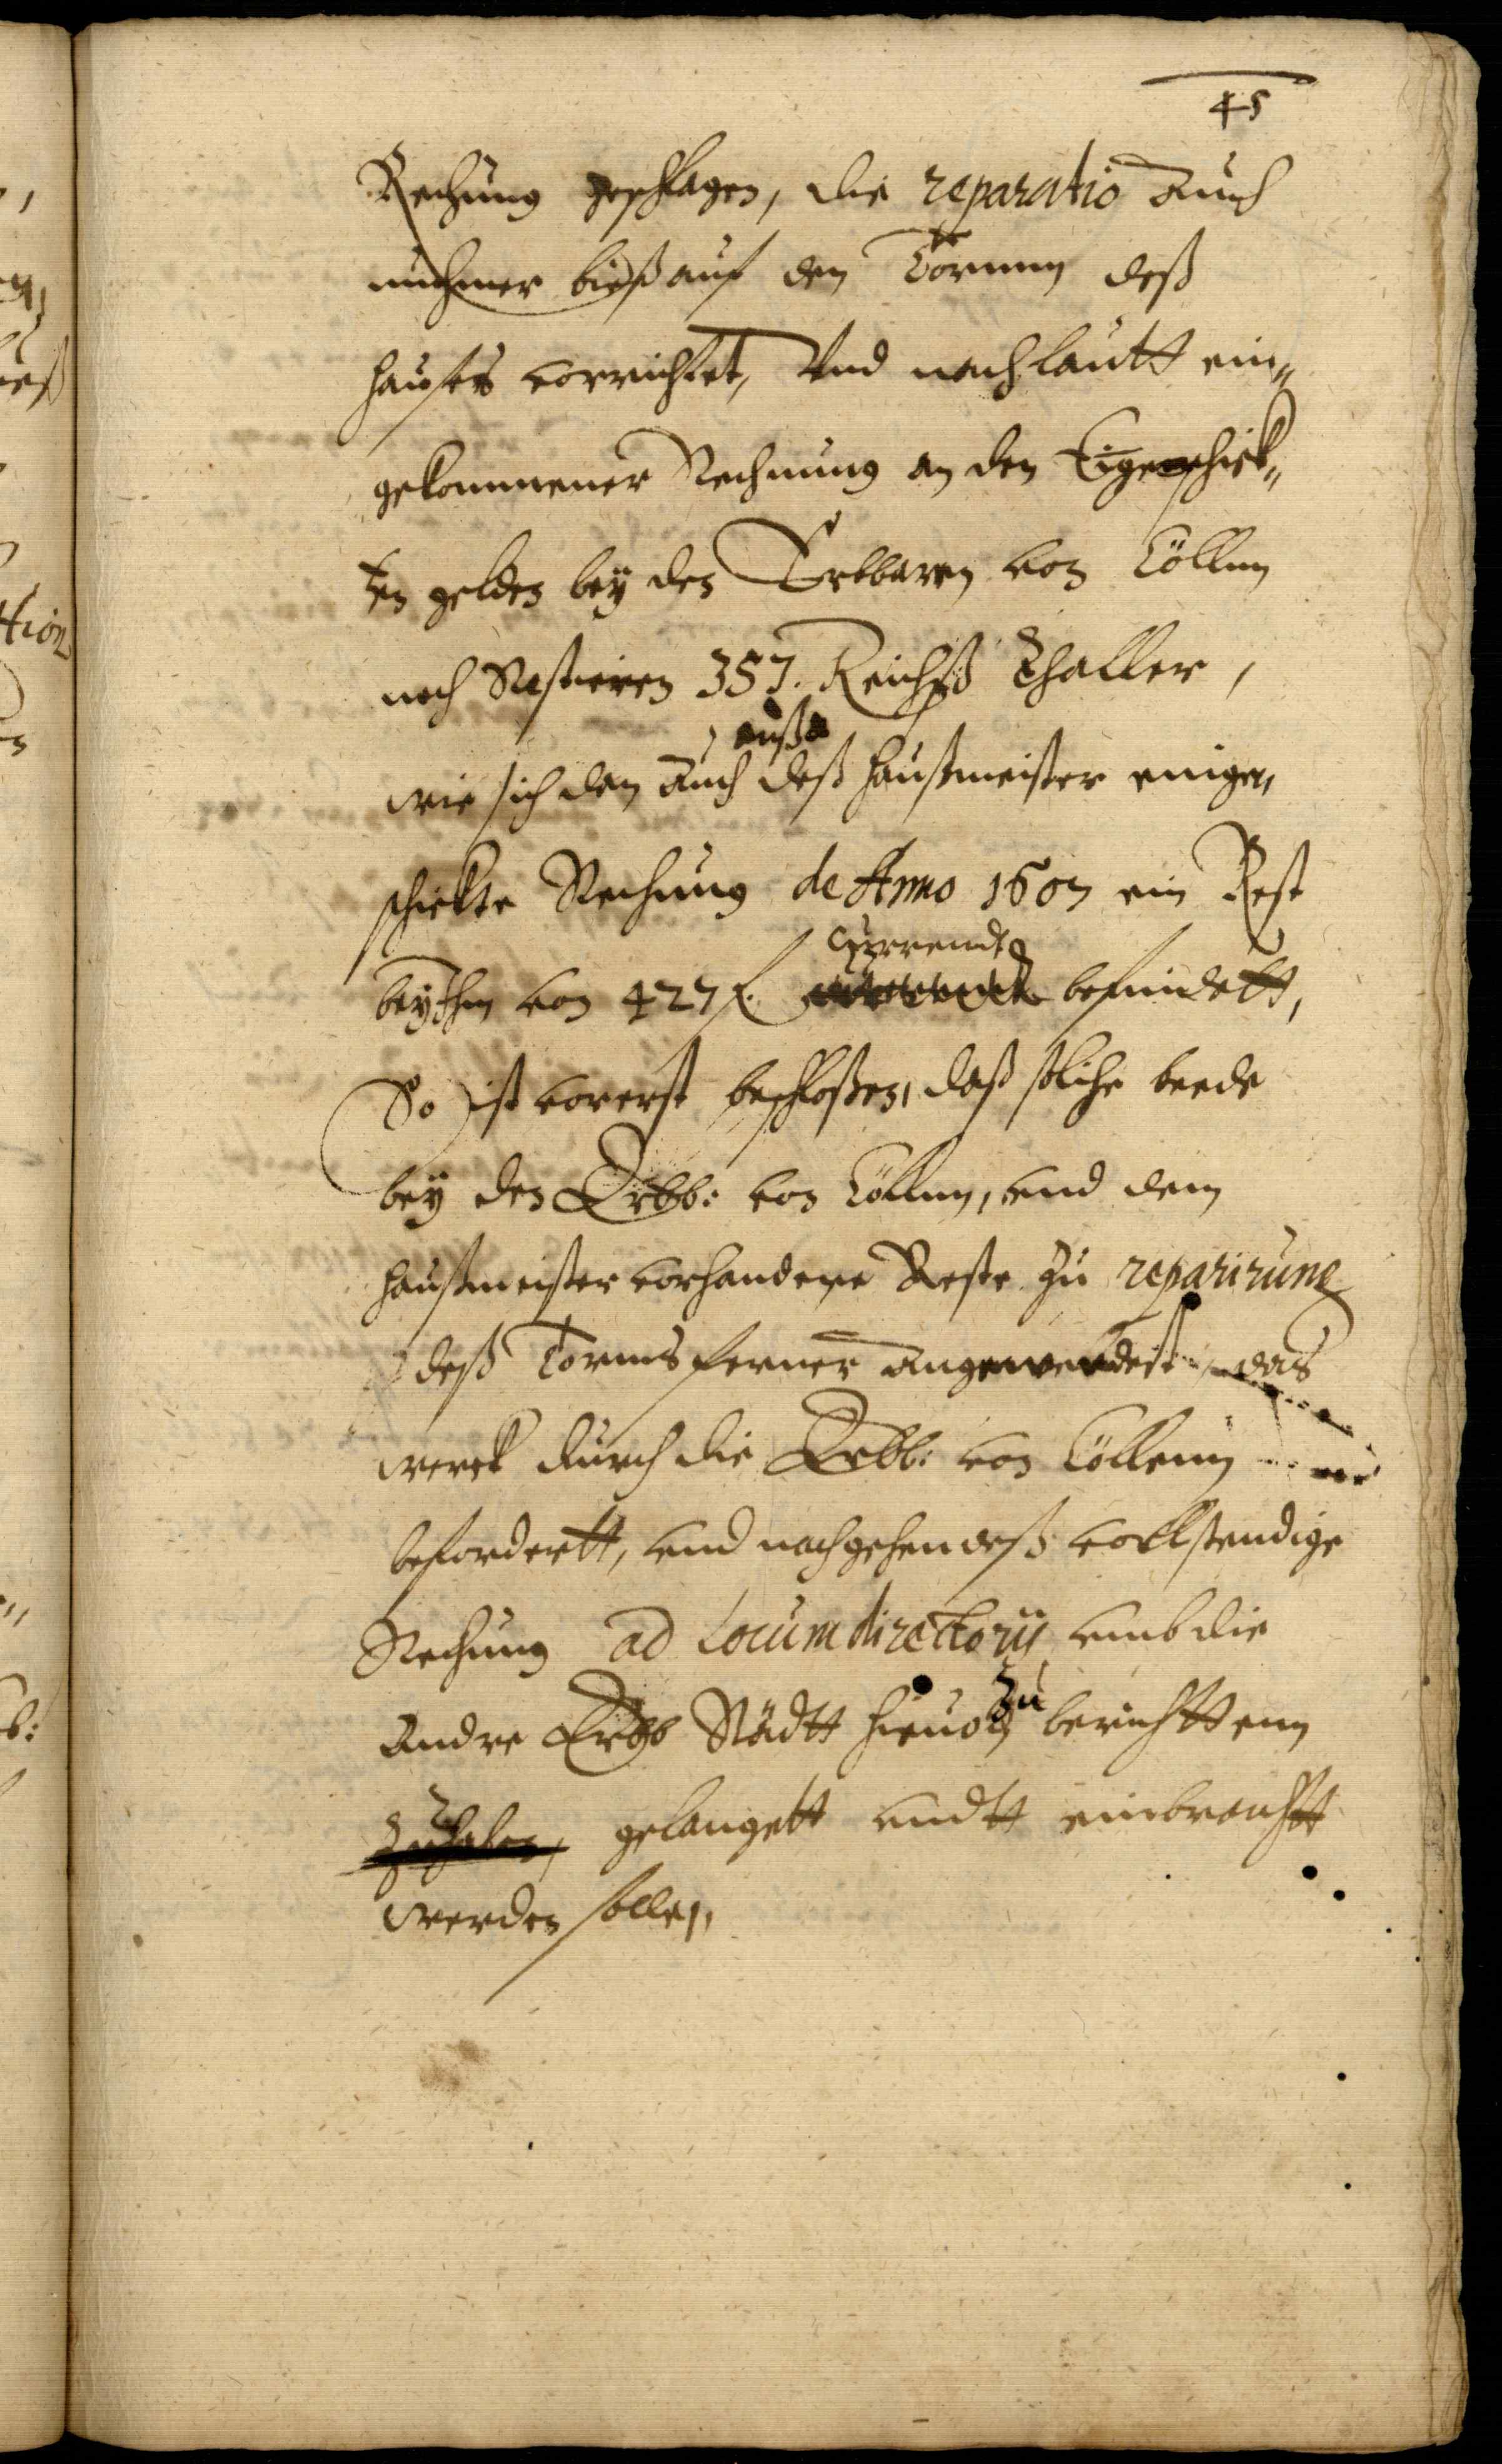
45
Rechung geschlagen, der reparatio Auch
nuhmer bieß auf den Tormen deß
hauses vorrichtet, Vnd nach lautt ein¬
gekommener Rechnung an den Eingeschick¬
ten geldes beij den Erbaren von Cöllnn
noch Restieren 357 Reichß Thaller,
wie sich dan auch auß deß haußmeister einge¬
schickte Rechung de Anno 1607 ein Rest
beij Ihm von 427 f. enteteck currendt befindett,
So ist vorerst beschloßen, daß solche beede
beij den Erbb: von Cöllnn, vnd dem
haußmeister vorhandene Reste zu reparirung
deß Tormes ferner angewendett das
werck durch die Erbb: von Cöllnn
befordertt, vnd nachgehendeß vollstendige
Rechung ad Locum directorii vmb die
ander Erbb Städtt hieuon zu berichttenn
zuhaben gelangett undtt einbrachtt
werden sollen,
